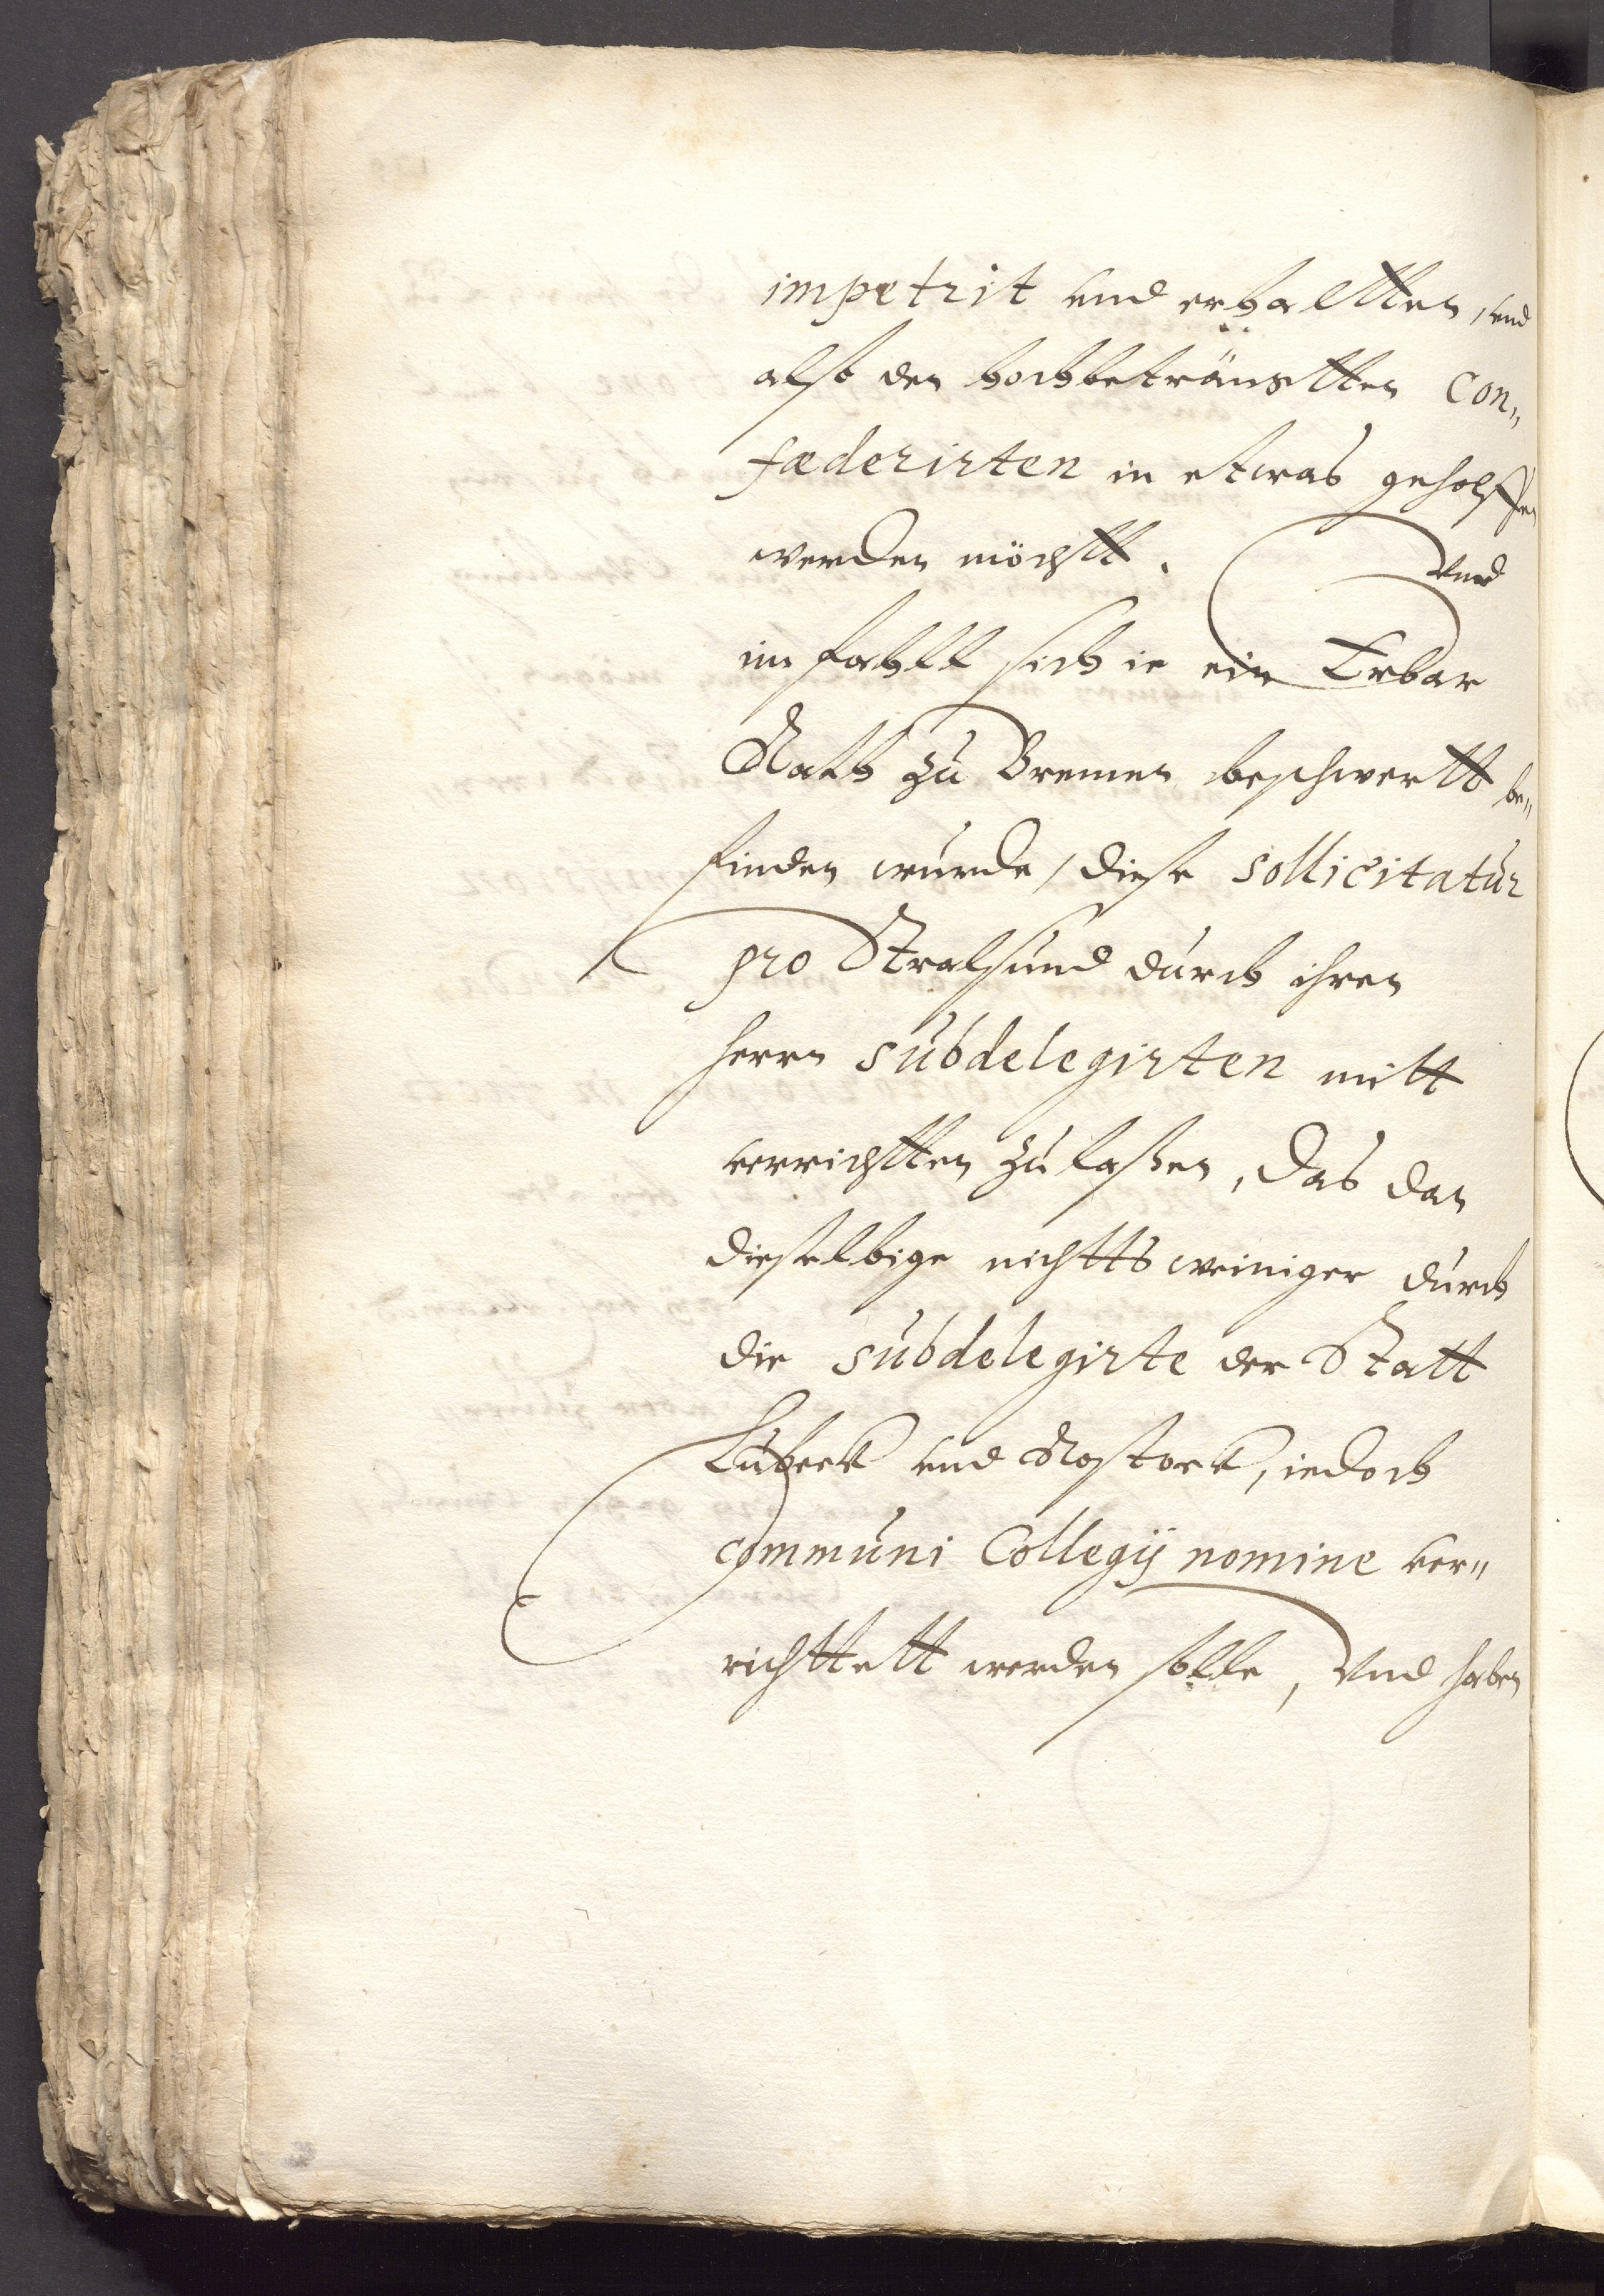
impetrit vnd erhaltten, vnd
alß den hochbeträngtten con¬
foederirten in etwas gehoffen
werden möchtt. Vnd
im fahll sich ie ein Erbar
Rath zu Bremen beschwertt be¬
finden wurde, diese sollicitatur
pro Stralsund durch ihren
herrn subdelegirten mitt
verrichtten zu laßen, das dan
dieselbige nichtts weiniger durch
die subdelegirte der Statt
Lubeck vnd Rostock, iedoch
communi collegij nomine ver¬
richttett werden solle, vnd haben
